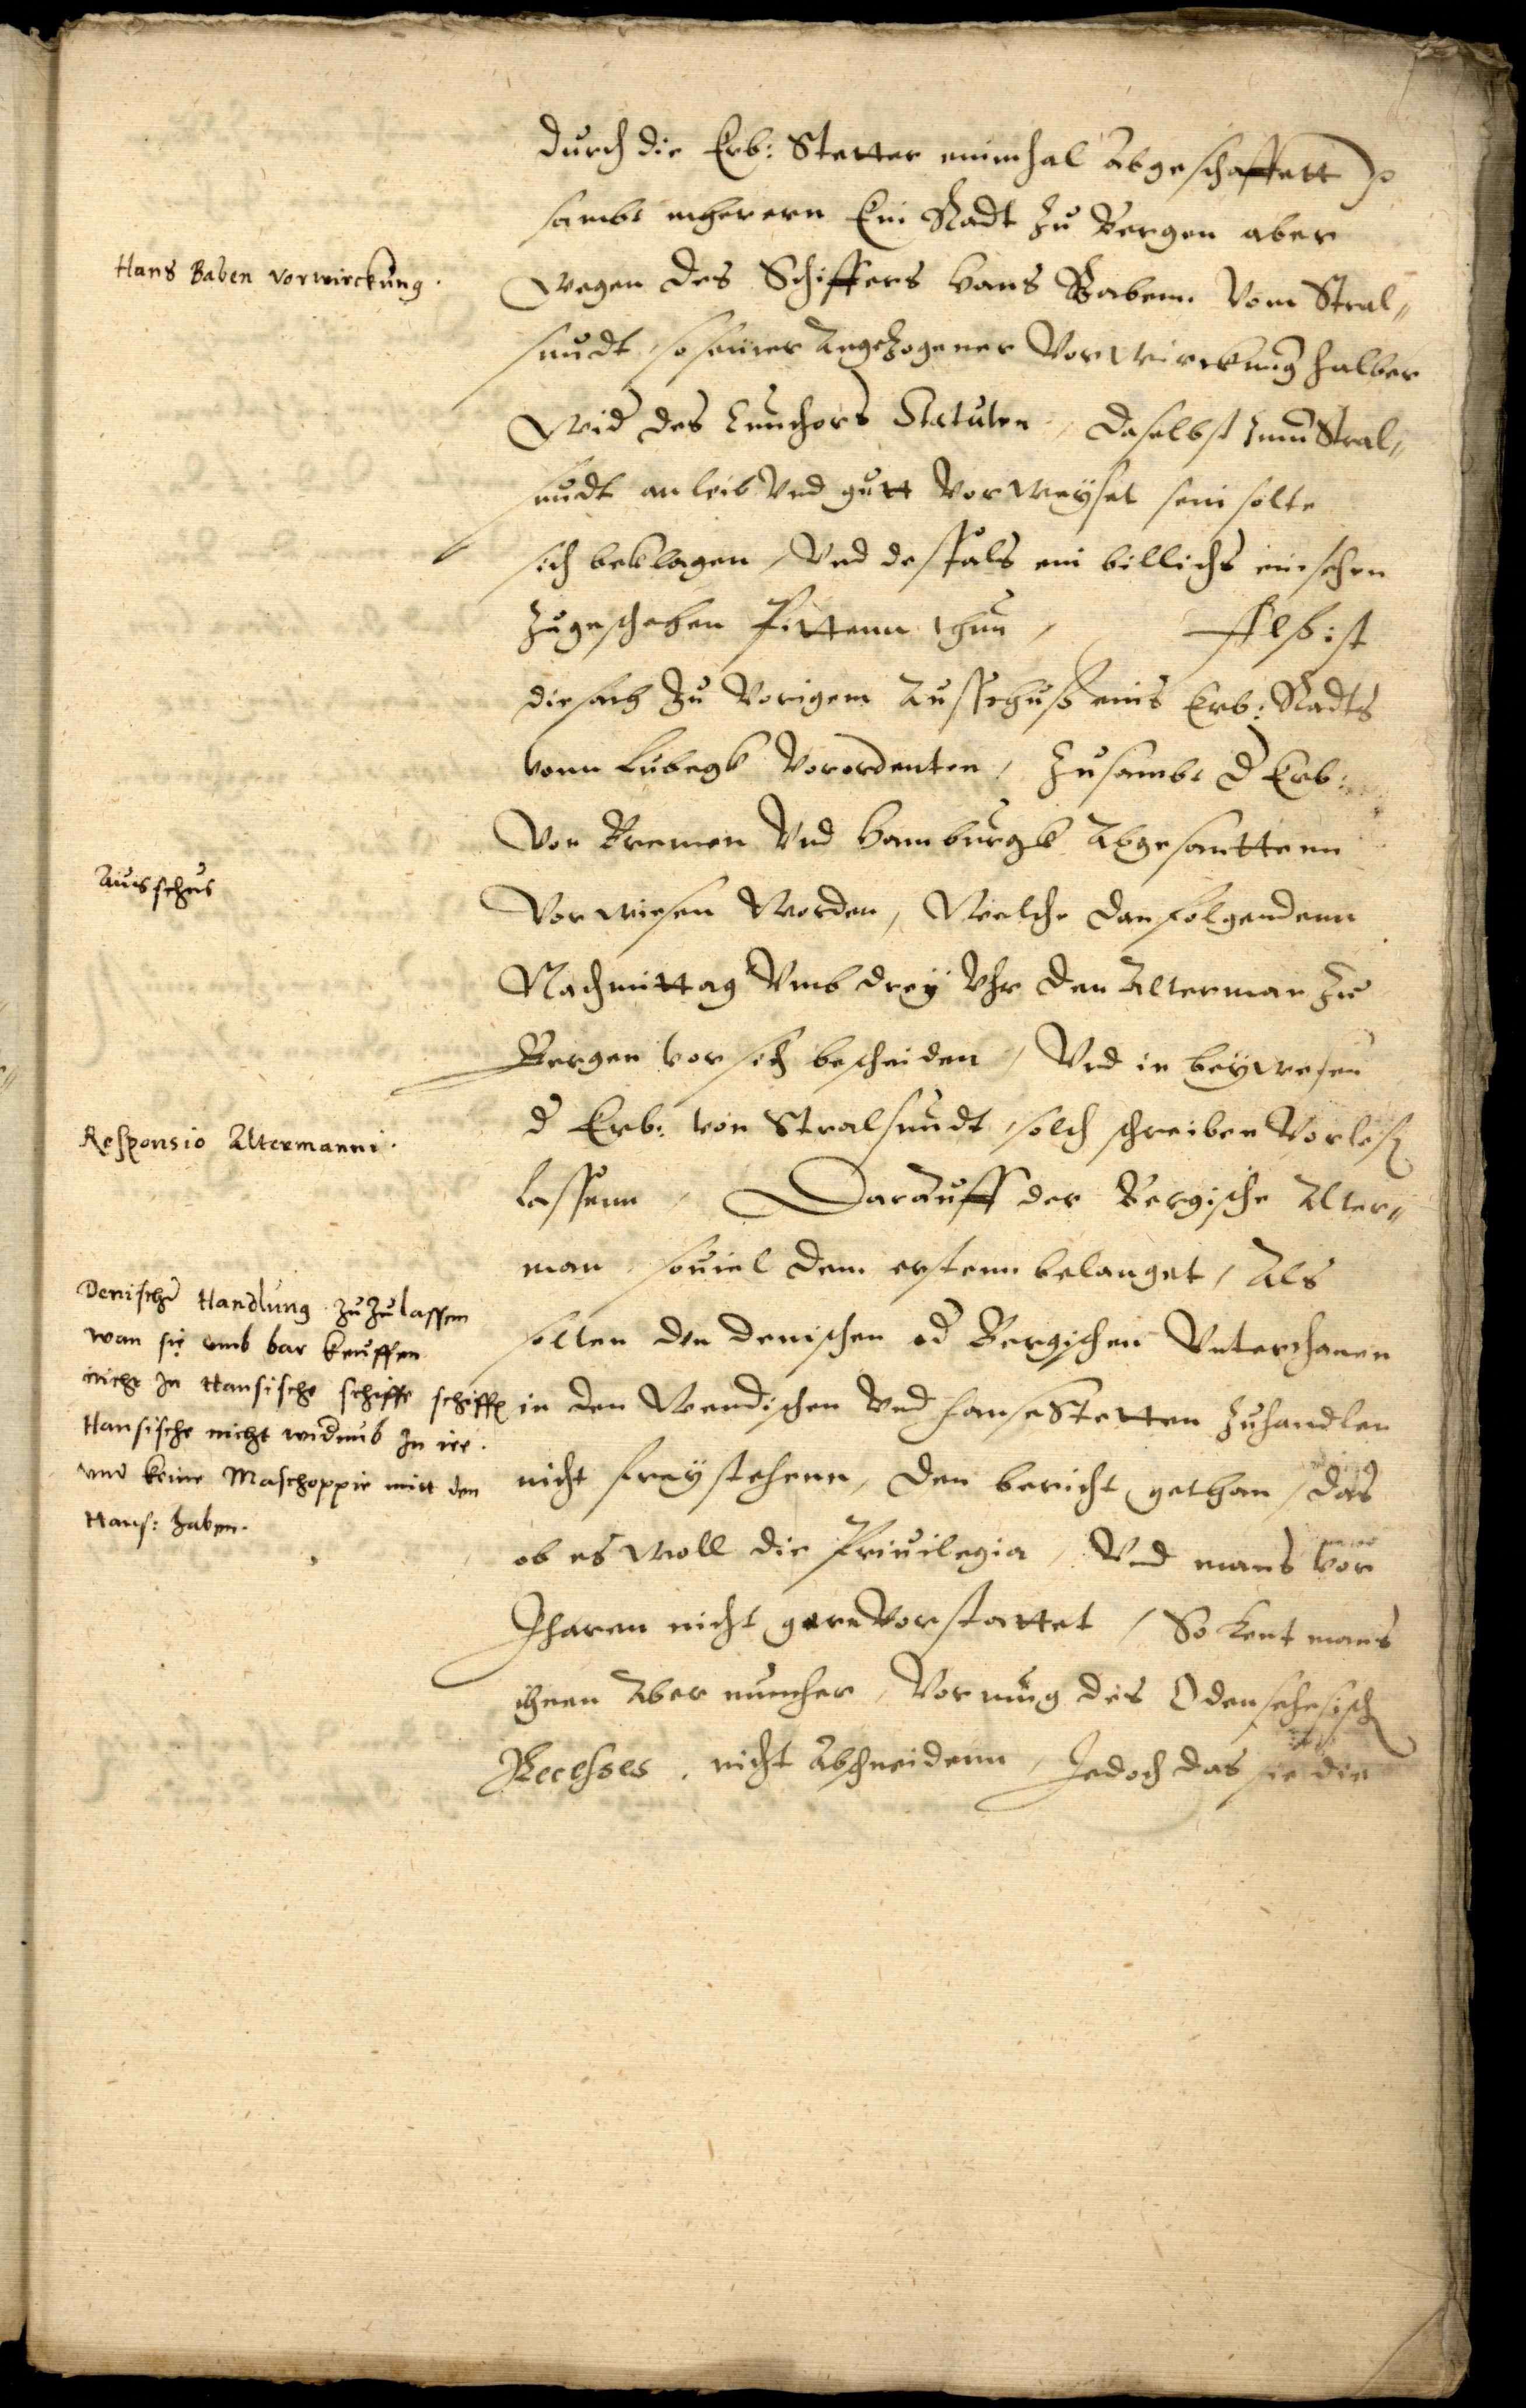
durch die Erb: Stetter einmhal Abgeschaffett p
sambt mherern Ein Radt zu Bergen aber
wegen des Schiffers Hans Babenn Vom Stral¬
sundt, so seiner Angezogener Vorwirckung halber
wider des Cunthors Statuten, daselbst zum Stral¬
sundt an leib Vnd gutt Vorweijset sein solte
sich beklagen, Vnd desfals ein billichs einsehen
zu geschehen Pittenn thun, Alß ist
die sach zu Vorigem Ausschuß eins Erb:Radts
vonn Lubegk Vorordenten, zusambt der Erb:
Von Bremen Vnd Hamburgk Abgesanttenn
Vorwiesen Worden, Welche dan folgendenn
Nachmittag Vmb dreij Vhr den Alterman zu
Bergen vor sich bescheiden, Vnd in beijwesen
der Erb: von Stralsundt, solch schreiben Vorlesen
lassenn, Darauff der Bergische Alter¬
man, souiel denn erstenn belanget, Als
solten den Denischen oder Bergischen Vnterthanen
in den Wendischen Vnd hansestetten zuhandlen
nicht freij stehenn, den bericht gethan, das
ob es woll die Priuilegia, Vnd mans vor
Jharen nicht gern Vorstattet, So kont mans
ihnen Aber numher, Vormug des Odensehischen
Recesses, nicht Abschneidenn, Jedoch das sie den
Hans Baben vorwirckung.
Ausschus
Responsio Altermanni.
Denische Handlung zuzulassen
wan sie vmb bar keuffen
nicht In Hansische schiffe schiffen
Hansische nicht widerumb In ire
vnd keine Maschoppie mitt den
Hans: haben.
